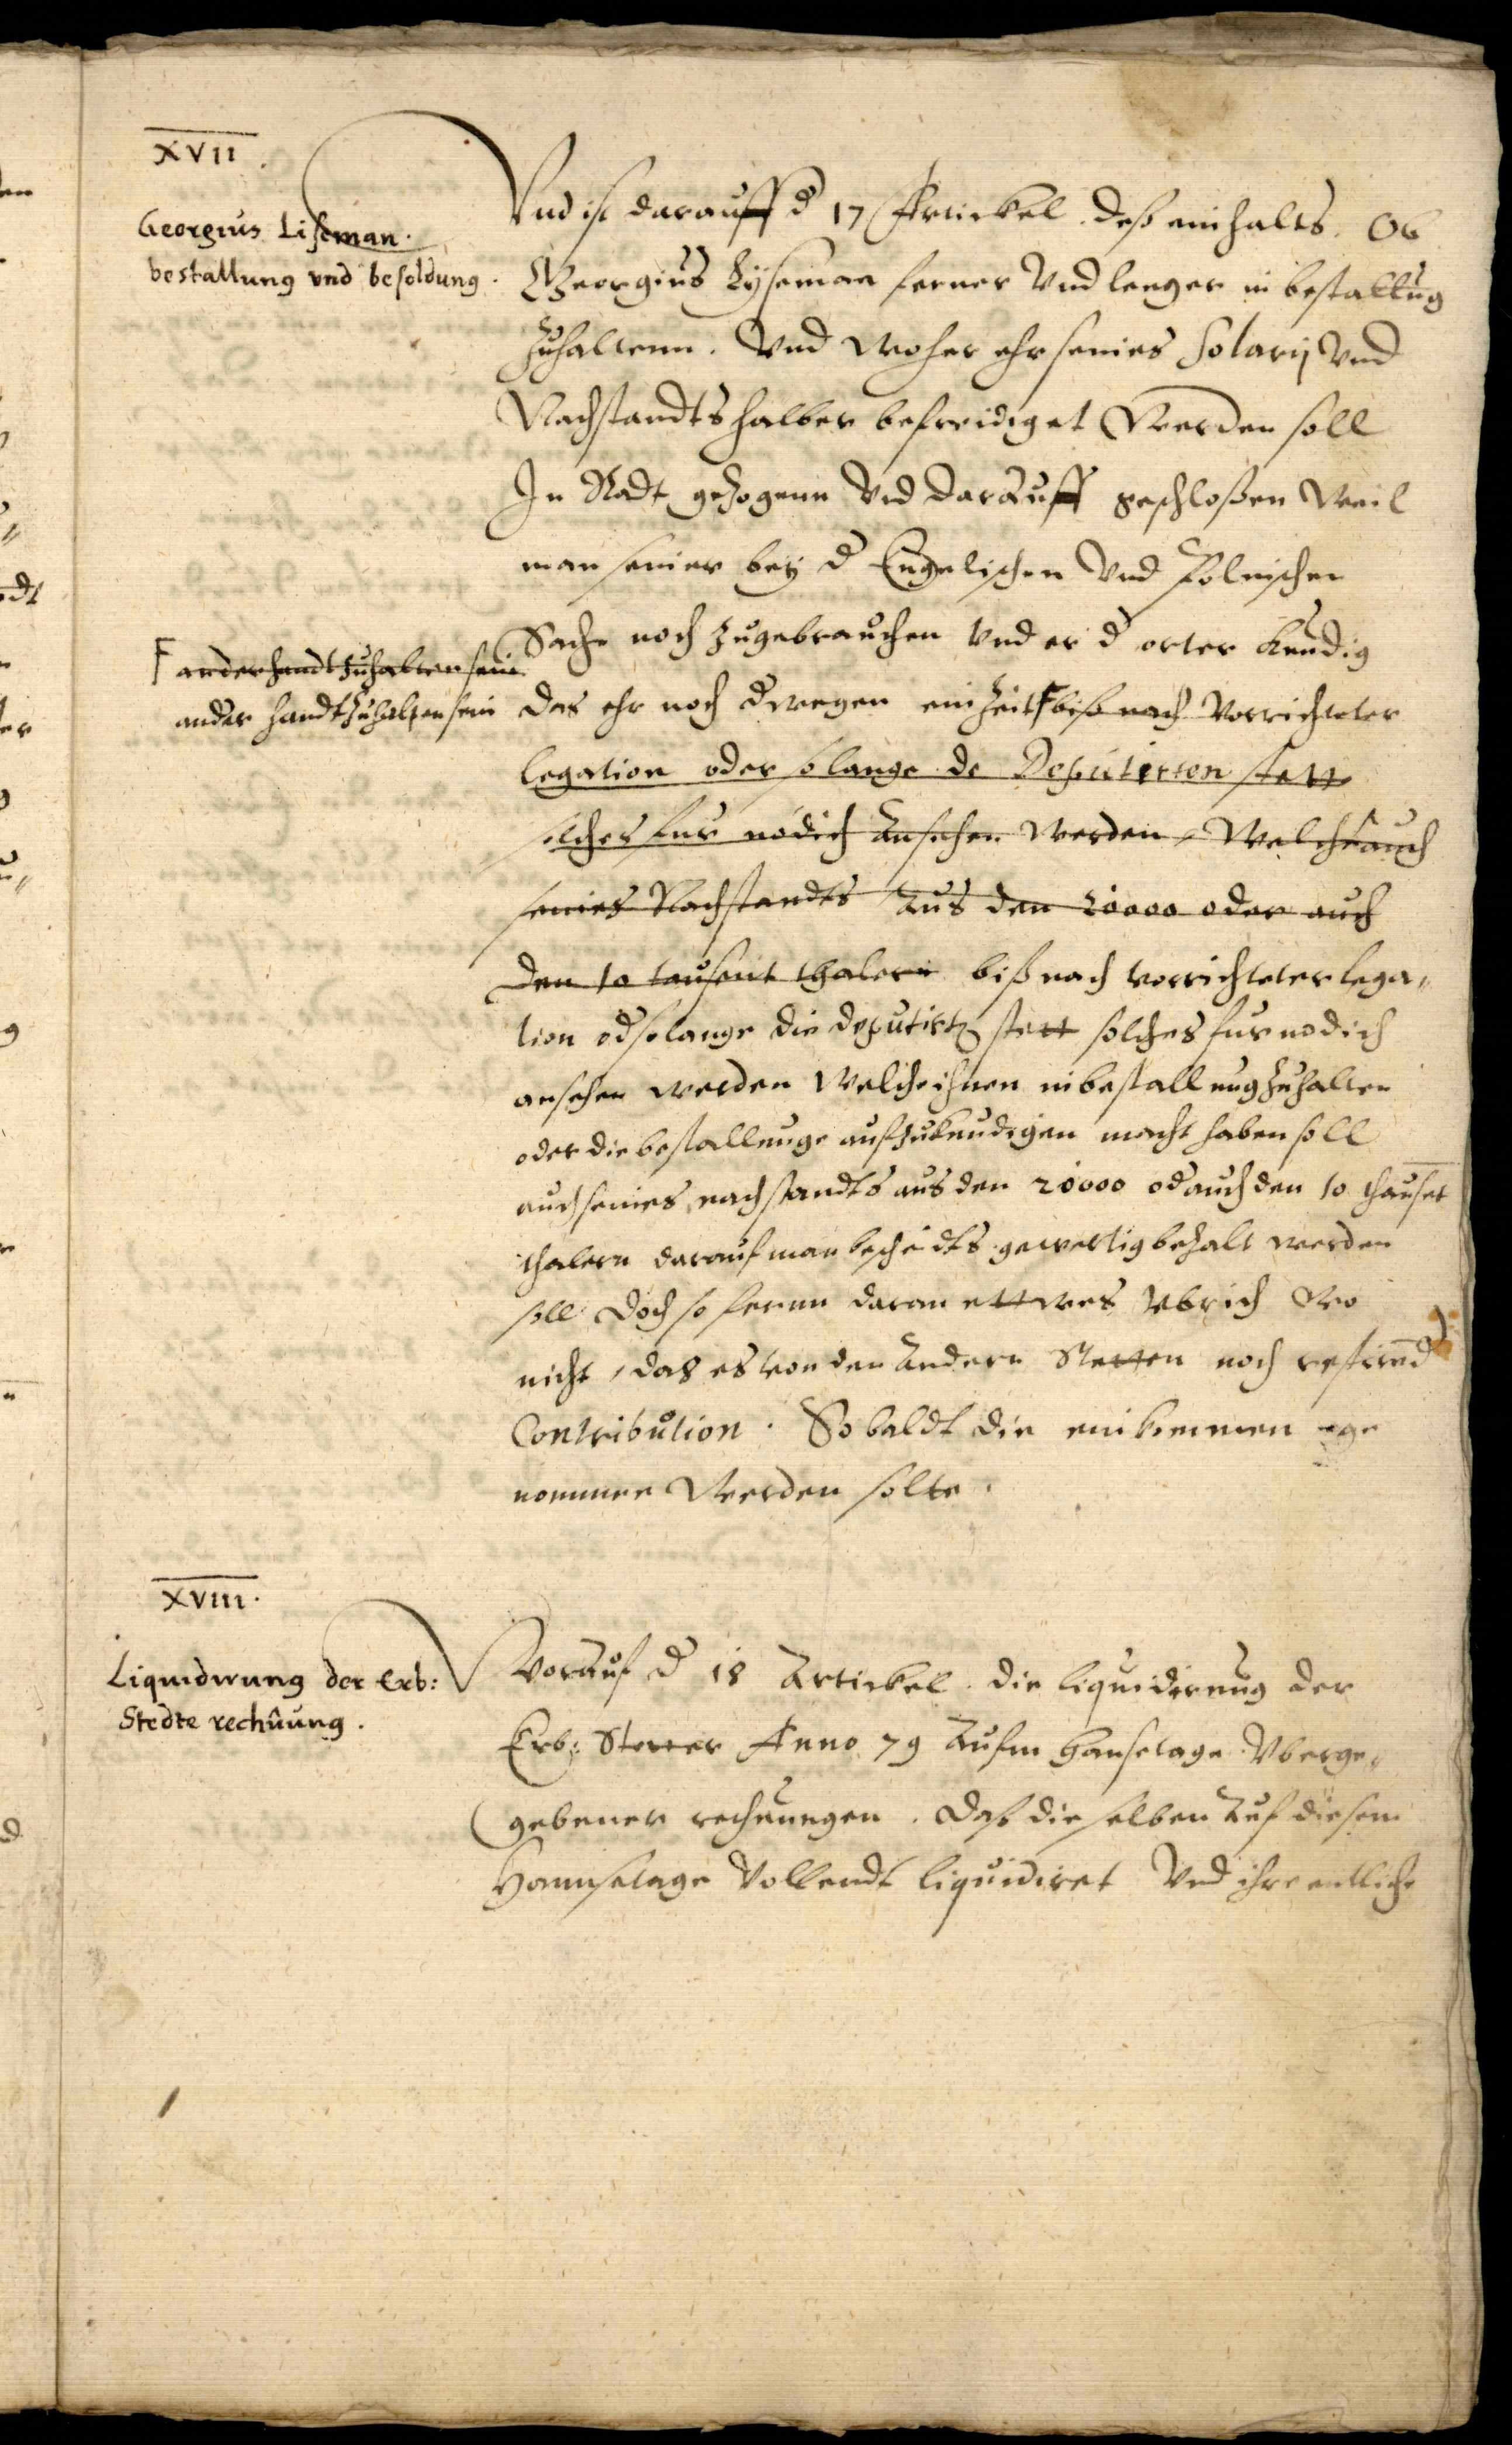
Vnd ist darauff der 17 Artickel deß einhalts, Ob
Georgius Lijseman ferner Vnd lenger in bestallung
zuhaltenn, Vnd woher ehr seines Solarij vnd
Nachstandts halber befreidiget werden soll
In Radt gezogenn Vnd darauff geschloßen weil
man seiner beij der Engelischen vnd Polnischen
Sache noch zugebrauchen vnd er der orter kundig
das ehr noch derwegen ein Zeit F biß nach vorrichteter
legation oder so lange de Deputirten stette
solcher fur nodich Ansehen werden, Welch f auch
seines Nachstandts aus den 20000 oder auch
den 10 tausent thalern biß nach vorrichteter lega¬
tion oder solange die deputirten stett solches fur nodich
ansehen werden welche ihnen in bestallung zuhalten
oder die bestallunge aufzukundigen macht haben soll
auch seines nachstandts aus den 20000 oder auch den 10 thausent
thalern darauf man bescheidts gewertig bezalt werden
soll doch so fernn daran ettwes vbrich wo
nicht, das es von den Andern Stetten noch restirender
Contribution, So baldt die einkommen ge
nommen Werden solte.
XVII.
Georgius Liseman.
bestallung und besoldung.
F anderhandt zuhalten sein
anderer handtzuhalten sein
Worauf der 18 Artickel die liquidirung der
Erb: Stetter Anno 79 Aufm Hansetage Vberge¬
gebener rechnungen, daß dieselben Auf diesem
Hannsetage Vollendt liquidiret Vnd ihre entliche
XVIII.
Liquidirung der Erb:
Stedte rechnung.
